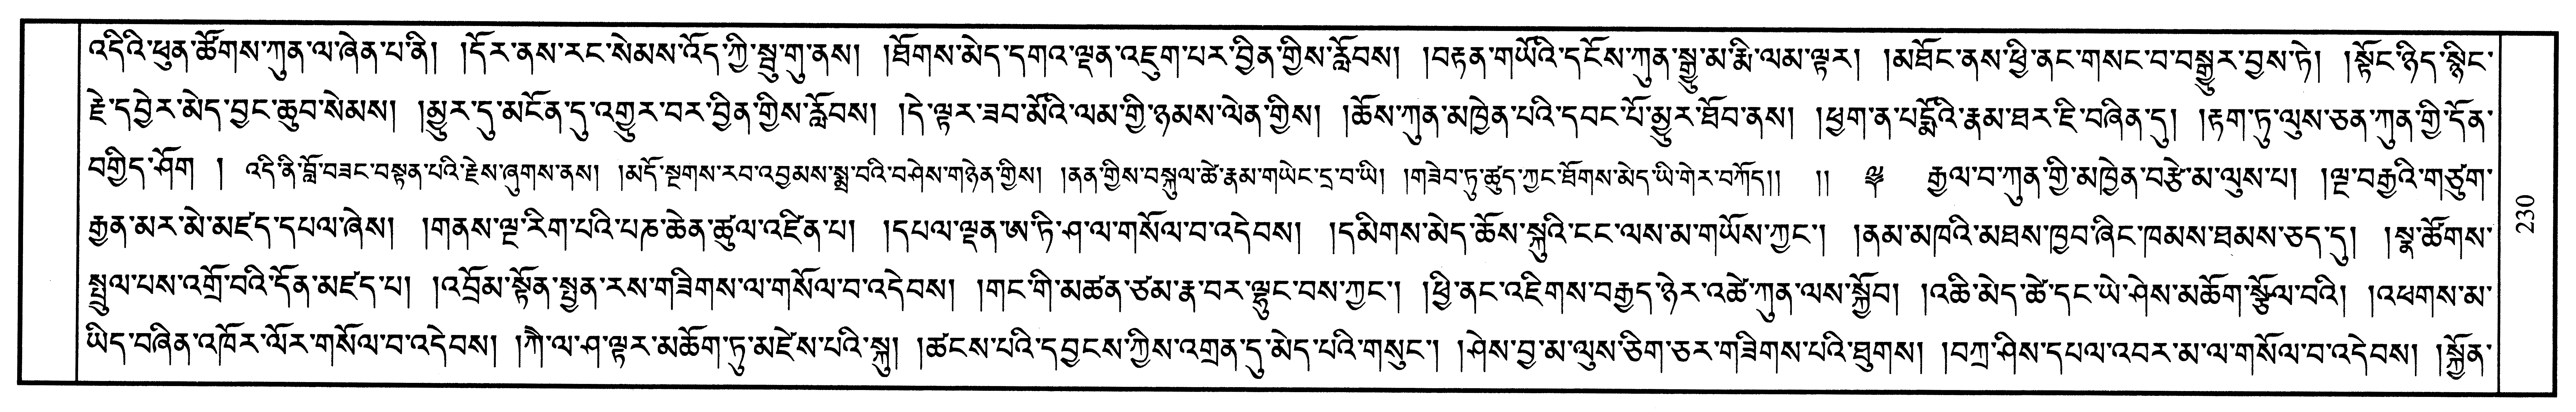འདིའི་ཕུན་ཚོགས་ཀུན་ལ་ཞེན་པ་ནི། །དོར་ནས་རང་སེམས་འོད་ཀྱི་སྦུ་གུ་ནས། །ཐོགས་མེད་དགའ་ལྡན་འཇུག་པར་བྱིན་གྱིས་རློབས། །བརྟན་གཡོའི་དངོས་ཀུན་སྒྱུ་མ་རྨི་ལམ་ལྟར། །མཐོང་ནས་ཕྱི་ནང་གསང་བ་བསྒྱུར་བྱས་ཏེ། །སྟོང་ཉིད་སྙིང་
རྗེ་དབྱེར་མེད་བྱང་ཆུབ་སེམས། །མྱུར་དུ་མངོན་དུ་འགྱུར་བར་བྱིན་གྱིས་རློབས། །དེ་ལྟར་ཟབ་མོའི་ལམ་གྱི་ཉམས་ལེན་གྱིས། །ཆོས་ཀུན་མཁྱེན་པའི་དབང་པོ་མྱུར་ཐོབ་ནས། །ཕྱག་ན་པདམོའི་རྣམ་ཐར་ཇི་བཞིན་དུ། །རྟག་ཏུ་ལུས་ཅན་ཀུན་གྱི་དོན་
བགྱིད་ཤོག །འདི་ནི་བློ་བཟང་བསྟན་པའི་རྗེས་ཞུགས་ནས། །མདོ་སྔགས་རབ་འབྱམས་སྨྲ་བའི་བཤེས་གཉེན་གྱིས། །ནན་གྱིས་བསྐུལ་ཚེ་རྣམ་གཡེང་དྲ་བ་ཡི། །གཟེབ་ཏུ་ཚུད་ཀྱང་ཐོགས་མེད་ཡི་གེར་བཀོད།། །། ༈ རྒྱལ་བ་ཀུན་གྱི་མཁྱེན་བརྩེ་མ་ལུས་པ། །ལྔ་བརྒྱའི་གཙུག་
རྒྱན་མར་མེ་མཛད་དཔལ་ཞེས། །གནས་ལྔ་རིག་པའི་པཎ་ཆེན་ཚུལ་འཛིན་པ། །དཔལ་ལྡན་ཨ་ཏི་ཤ་ལ་གསོལ་བ་འདེབས། །དམིགས་མེད་ཆོས་སྐུའི་ངང་ལས་མ་གཡས་ཀྱང་། །ནམ་མཁའི་མཐས་ཁྱབ་ཞིང་ཁམས་ཐམས་ཅད་དུ། །སྣ་ཚོགས་
སྤྲུལ་པས་འགྲོ་བའི་དོན་མཛད་པ། །འབྲོམ་སྟོན་སྤྱན་རས་གཟིགས་ལ་གསོལ་བ་འདེབས། །གང་གི་མཚན་ཙམ་རྣ་བར་ལྷུང་བས་ཀྱང་། །ཕྱི་ནང་འཇིགས་བརྒྱད་ཉེར་འཚེ་ཀུན་ལས་སྐྱོབ། །འཆི་མེད་ཚེ་དང་ཡེ་ཤེས་མཆོག་སྩོལ་བའི། །འཕགས་མ་
ཡིད་བཞིན་འཁོར་ལོར་གསོལ་བ་འདེབས། །ཀཻ་ལ་ཤ་ལྟར་མཆོག་ཏུ་མཛེས་པའི་སྐུ། །ཚངས་པའི་དབྱངས་ཀྱིས་འགྲན་དུ་མེད་པའི་གསུང་། །ཤེས་བྱ་མ་ལུས་ཅིག་ཅར་གཟིགས་པའི་ཐུགས། །བཀྲ་ཤིས་དཔལ་འབར་མ་ལ་གསོལ་བ་འདེབས། །སྐྱོན་